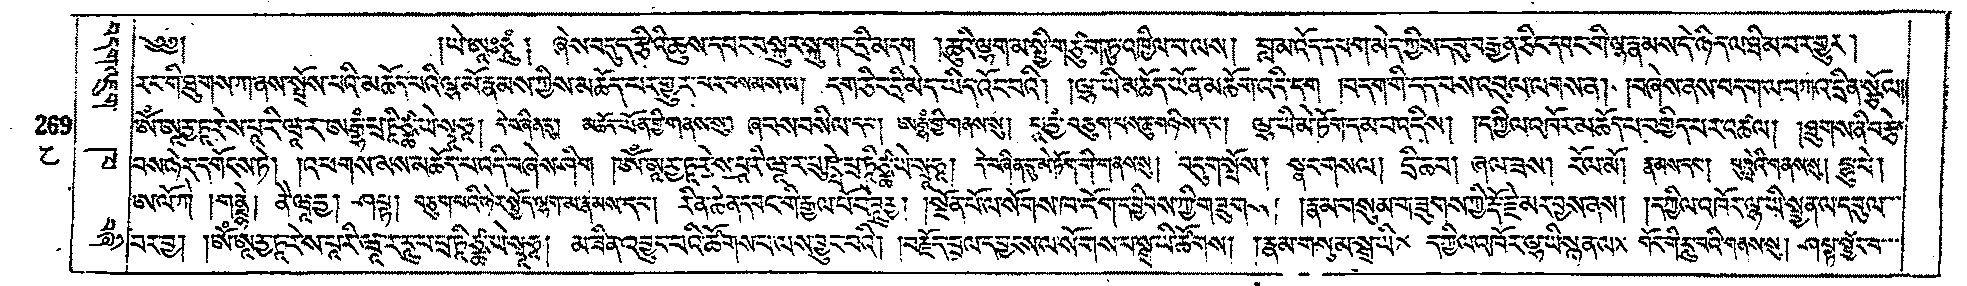༄༅། །ཡེ་ཨཱཿ ཧཱུཾ། ཞེས་བདུད་རྩིའི་ཆུས་དབང་བསྐུར་སྐུ་གང་དྲི་མ་དག །ཆུའི་ལྷག་མ་སྤྱི་གཙུག་ཏུ་འཁྱིལ་བ་ལས། བླ་མ་འོད་དཔག་མེད་ཀྱིས་དབུ་བརྒྱན་ཅིང་དབང་གི་ལྷ་རྣམས་དེ་ཉིད་ལ་ཐིམ་པར་གྱུར།
རང་གི་ཐུགས་ཀ་ནས་སྤྲོས་པའི་མཆོད་པའི་ལྷ་མོ་རྣམས་ཀྱིས་མཆོད་པར་གྱུར་པར་བསམས་ལ།  དག་ཅིང་དྲི་མེད་ཡིད་འོང་བའི། །ལྷ་ཡི་མཆོད་ཡོན་མཆོག་འདི་དག །བདག་གི་དད་པས་འབུལ་ལགས་ན། །བཞེས་ནས་བདག་ལ་བཀའ་དྲིན་སྩོལ།།
ཨོཾ་ཨཱརྱ་ཏཱ་རེ་ས་པཱ་རི་ཝཱ་ར་ཨརྒྷཾ་པྲ་ཏཱིཙྪ་ཡེ་སྭཱཧཱ། དེ་བཞིན་དུ། མཆོད་ཡོན་གྱི་གནས་སུ།  ཞབས་བསིལ་དང་། ཨརྒྷཾ་གྱི་གནས་སུ། པཱདྱཾ་བཅུག་པས་ཆུ་གཉིས་དང་།  ལྷ་ཡི་མེ་ཏོག་དམ་པ་འདིས། །དཀྱིལ་འཁོར་མཆོད་པ་བགྱིད་པར་འཚལ། །ཐུགས་ནི་བརྩེ་
བས་ཉེར་དགོངས་ཏེ། །འཕགས་མས་མཆོད་པ་འདི་བཞེས་ཤིག །ཨོཾ་ཨཱརྱ་ཏཱ་རེ་ས་པཱ་རི་ཝཱ་ར་པུ་ཥྤེ་པྲ་ཏཱི་ཙྪ་ཡེ་སྭྰྷཱ། དེ་བཞིན་དུ་མེ་ཏོག་གི་གནས་སུ།  བདུག་སྤོས། སྣང་གསལ། དྲི་ཆབ། ཞལ་ཟས། རོལ་མོ། རྣམས་དང་། པུཥྤེའི་གནས་སུ།  དྷུ་པེ།
ཨ་ལོ་ཀེ །གནྡྷེ། ནཻ་ཝཱདྱ། ཤཔྟ། བཅུག་པའི་ཉེར་སྤྱོད་ལྷག་མ་རྣམས་དང་།  རིན་ཆེན་དབང་གི་རྒྱལ་པོ་བཻཌཱུརྱ། །སྔོན་པོ་ལ་སོགས་ཁ་དོག་དབྱིབས་ཀྱི་གཟུགས། །རྣམ་གསུམ་གཟུགས་ཀྱི་རྡོ་རྗེ་མར་བྱས་ནས། །དཀྱིལ་འཁོར་ལྷ་ཡི་སྤྱན་ལ་དབུལ་་་
བར་བྱ། །ཨོཾ་ཨཱརྱ་ཏཱ་རེ་ས་པཱ་རི་ཝཱ་ར་རཱུ་པ་པྲ་ཏཱི་ཙྪ་ཡེ་སྭཱཧཱ། མ་ཟིན་འབྱུང་བའི་ཚོགས་པ་ལས་བྱུང་བའི། །བརྗོད་བྲལ་དབྱངས་ལ་སོགས་པ་སྒྲ་ཡི་ཚོགས། །རྣམ་གསུམ་སྒྲ་ཡི་྾་དཀྱིལ་འཁོར་ལྷ་ཡི་སྙན་ལ་྾་གོང་གི་རཱུ་པའི་གནས་སུ།  ཤཔྟ་སྦྱོར་བ་་་